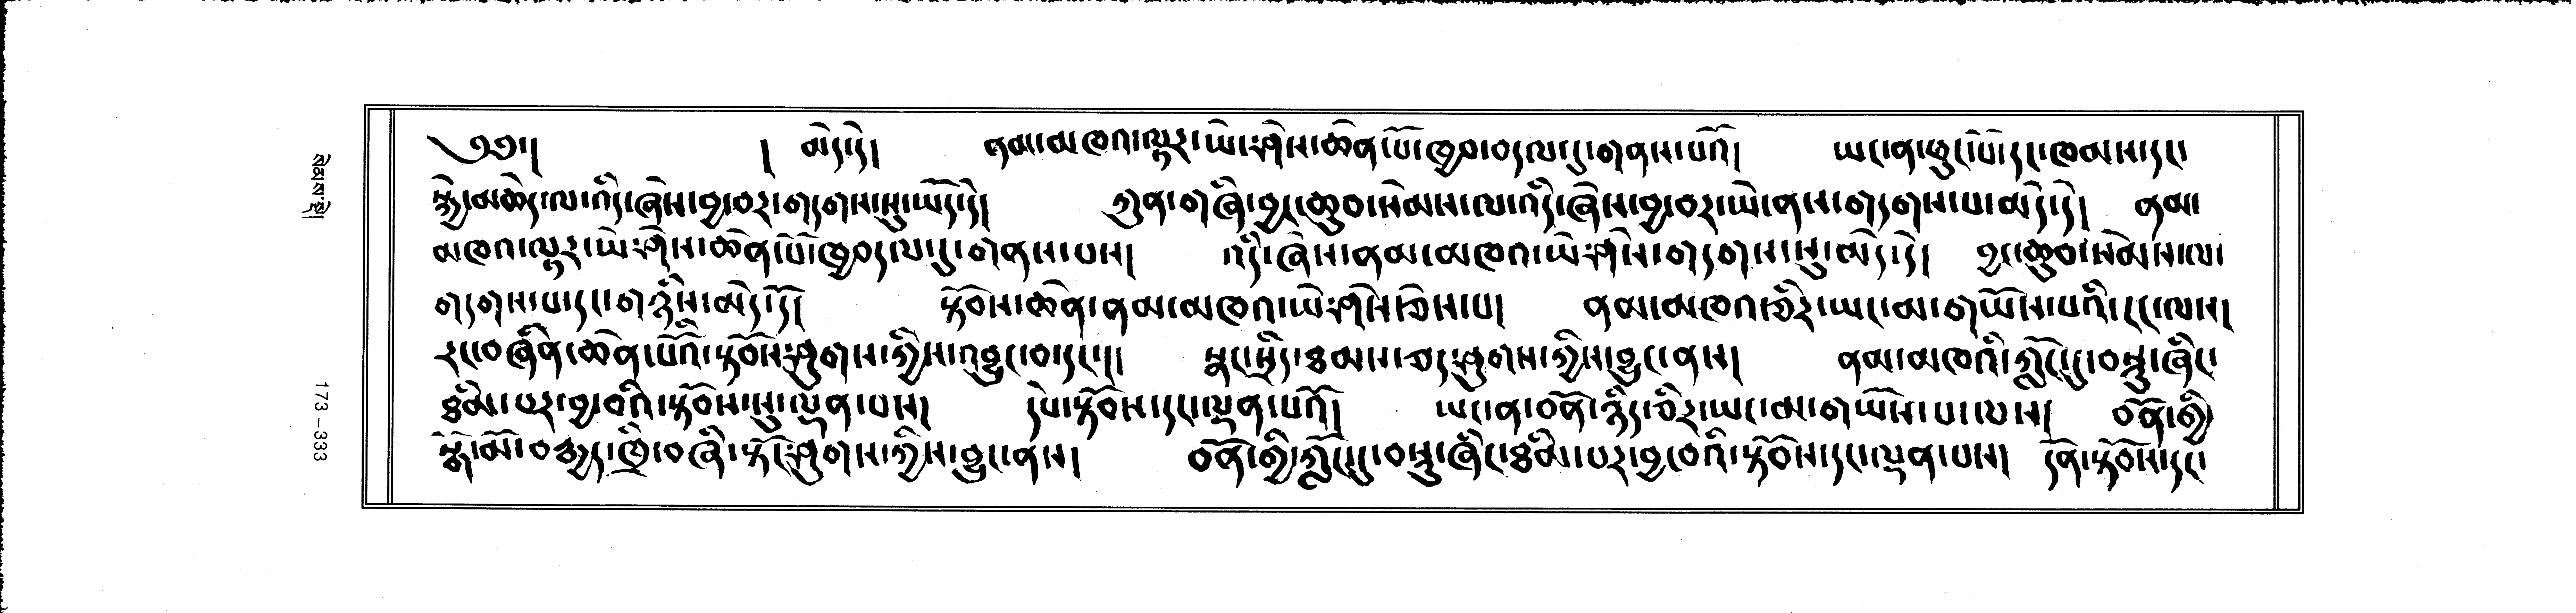མེད་དེ། ནམ་མཁའ་ལྟར་ཡེ་ཤེས་ཆེན་པོ་ཁྱབ་བདལ་དུ་གནས་པའོ། །ཡང་ན་ཕུང་པོ་དང་ཁམས་དང་
སྐྱེ་མཆེད་ལ་འདི་ཞེས་བྱ་བར་གདགས་སུ་ཡོད་དེ། ཀུན་གཞི་བྱང་ཆུབ་སེམས་ལ་འདི་ཞེས་བྱ་བར་ཡེ་ནས་གདགས་པ་མེད་དེ། ནམ་
མཁའ་ལྟར་ཡེ་ཤེས་ཆེན་པོ་ཁྱབ་བདལ་དུ་གནས་པས། འདི་ཞེས་ནམ་མཁའ་ཡེ་ཤེས་གདགས་སུ་མེད་དེ། བྱང་ཆུབ་སེམས་ལ་
གདགས་པ་དང་གཉིས་མེད་དོ། །སྟོབས་ཆེན་ནམ་མཁའ་ཅེས་པ། ནམ་མཁའ་ཅིར་ཡང་མ་གཡོས་པའི་ངང་ལས། 
རང་བཞིན་ཆེན་པོའི་སྟོབས་ཤུགས་ཀྱིས་འབྱུང་བ་དང་། སྣང་སྲིད་ཐམས་ཅད་ཤུགས་ཀྱིས་བྱུང་ནས། ནམ་མཁའི་ཀློང་དུ་བསྡུ་ཞིང་
ཐིམ་པར་བྱ་བའི་སྟོབས་སུ་ལྡན་པས། དཔེ་སྟོབས་དང་ལྡན་པའོ། །ཡང་ན་བོན་ཉིད་ཅིར་ཡང་མ་གཡོས་པ་ལས། བོན་གྱི་
སྒོ་མོ་བརྒྱད་ཁྲི་བཞི་སྟོང་ཤུགས་ཀྱིས་བྱུང་ནས། བོན་གྱི་ཀློང་དུ་བསྡུ་ཞིང་། ཐིམ་པར་བྱ་བའི་སྟོབས་དང་ལྡན་པས། དོན་སྟོབས་དང་།